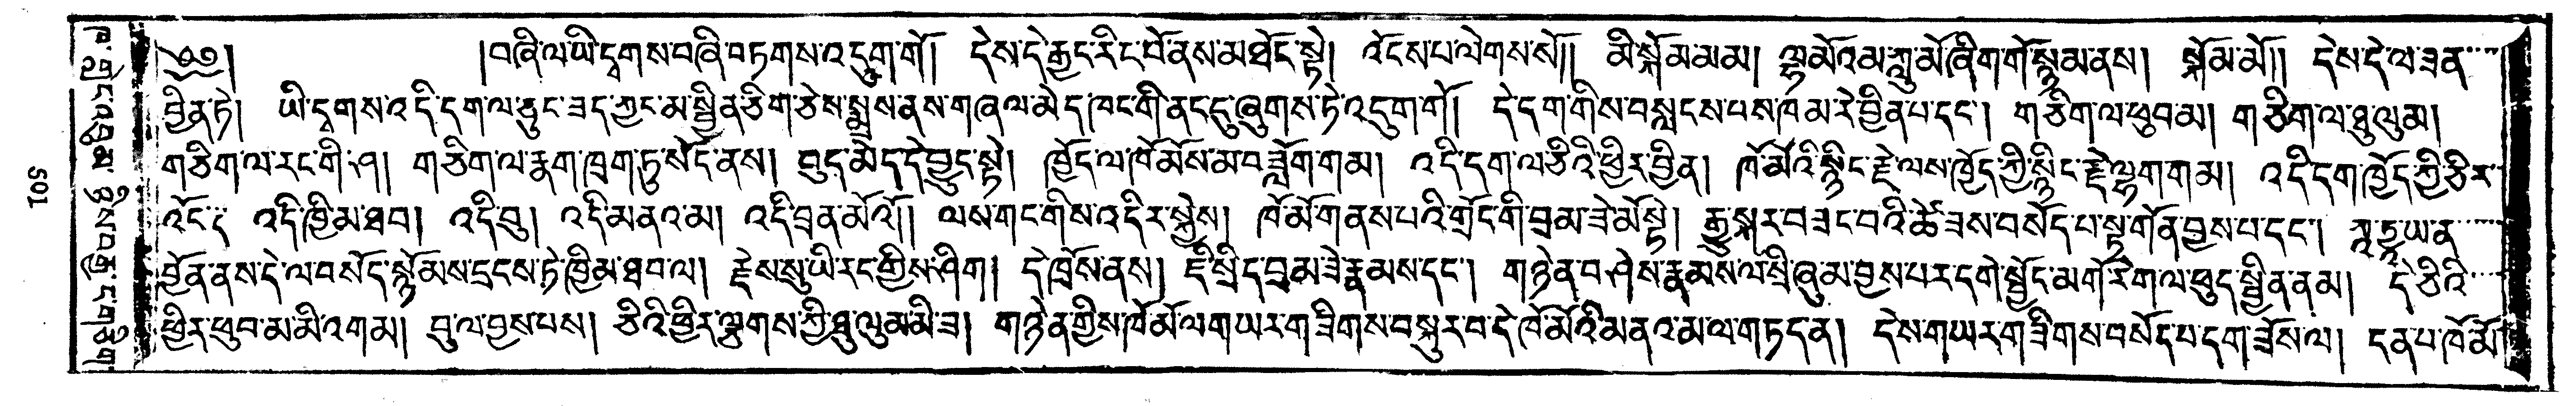༄༅། །བཞི་ལ་ཡི་དྭགས་བཞི་བཏགས་འདུག་གོ། དེས་དེ་རྒྱང་རིང་པོ་ནས་མཐོང་སྟེ། འོངས་པ་ལེགས་སོ།། མི་སྐོམ་མམ། ལྷ་མོའམ་ཀླུ་མོ་ཞིག་གོ་སྙམ་ནས། སྐོམ་མོ།། དེས་དེ་ལ་ཟན་
བྱིན་ཏེ། ཡི་དྭགས་འདི་དག་ལ་ཅུང་ཟད་ཀྱང་མ་སྦྱིན་ཅིག་ཅེས་སྨྲས་ནས་གཞལ་མེད་ཁང་གི་ནང་དུ་ཞུགས་ཏེ་འདུག་གོ། དེ་དག་གིས་བསླངས་པས་ཁམ་རེ་བྱིན་པ་དང་། གཅིག་ལ་ཕུབ་མ། གཅིག་ལ་ཐུ་ལུམ།
གཅིག་ལ་རང་གི་ཤ། གཅིག་ལ་རྣག་ཁྲག་ཏུ་སོང་ནས། བུད་མེད་དེ་བྱུང་སྟེ། ཁྱོད་ལ་ཁོ་མོས་མ་བཟློག་གམ། འདི་དག་ལ་ཅིའི་ཕྱིར་བྱིན། ཁོ་མོའི་སྙིང་རྗེ་ལས་ཁྱོད་ཀྱི་སྙིང་རྗེ་ལྷག་གམ། འདི་དག་ཁྱོད་ཀྱི་ཅིར་
འོང༑ འདི་ཁྱི་མ་ཐབ། འདི་བུ། འདི་མནའ་མ། འདི་བྲན་མོའོ།། ལས་གང་གིས་འདིར་སྐྱེས། ཁོ་མོ་གནས་པའི་གྲོང་གི་བྲམ་ཟེ་མོ་སྟེ། རྒྱུ་སྐར་བཟང་བའི་ཚེ་ཟས་བསོད་པ་སྟ་གོན་བྱས་པ་དང་། ཀཱ་ཏྱཱ་ཡ་ན་
བྱོན་ནས་དེ་ལ་བསོད་སྙོམས་དྲངས་ཏེ་ཁྱིམ་ཐབ་ལ། རྗེས་སུ་ཡི་རང་གྱིས་ཤིག། དེ་ཁྲོས་ནས། ཇི་སྲིད་བྲམ་ཟེ་རྣམས་དང་། གཉེན་བཤེས་རྣམས་ལ་སྲི་ཞུ་མ་བྱས་པར་དགེ་སྦྱོང་མགོ་རེག་ལ་ཕུད་སྦྱིན་ནམ། དེ་ཅིའི་
ཕྱིར་ཕུབ་མ་མི་འགམ། བུ་ལ་བྱས་པས། ཅིའི་ཕྱིར་ལྕགས་ཀྱི་ཐུ་ལུམ་མི་ཟ། གཉེན་གྱིས་ཁོ་མོ་ལ་གཡར་གཟིགས་བསྐུར་བ་དེ་ཁོ་མོའི་མནའ་མ་ལ་གཏད་ན། དེས་གཡར་གཟིགས་བསོད་པ་དག་ཟོས་ལ། ངན་པ་ཁོ་མོ་